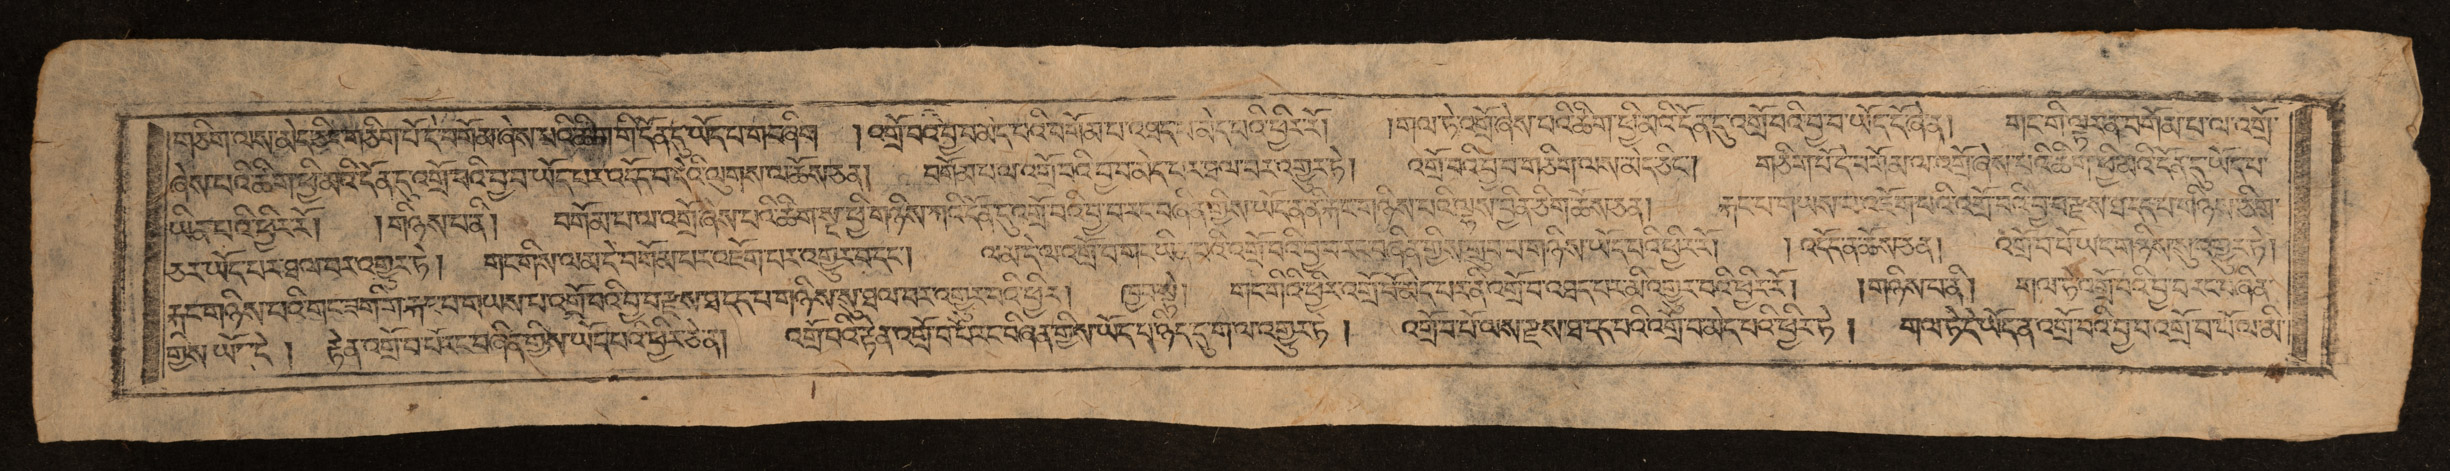གཅིག་ལས་མེད་ཅིང་གཅིག་པོ་དེ་བགོམ་ཞེས་པའི་ཆིག་གི་དོན་དུ་ཡོད་པ་གང་ཞིག །འགྲོ་བའི་བྱ་བ་མེད་པའི་བགོམ་པ་འཐད་པ་མེད་པའི་ཕྱིར་རོ། །གལ་ཏེ་འགྲོ་ཞེས་པའི་ཚིག་ཕྱི་མའི་དོན་དུ་འགྲོ་བའི་བྱ་བ་ཡོད་དོ་ཞེ་ན། གང་གི་ལྟར་ན་བགོམ་པ་ལ་འགྲོ་
ཞེས་པའི་ཚིག་ཕྱི་མའི་དོན་དུ་འགྲོ་བའི་བྱ་བ་ཡོད་པར་འདོད་པ་དེའི་ལུགས་ལ་ཆོས་ཅན། བགོམ་པ་ལ་འགྲོ་བའི་བྱ་བ་མེད་པར་ཐལ་བར་འགྱུར་ཏེ། འགྲོ་བའི་བྱ་བ་གཅིག་ལས་མེད་ཅིང་། གཅིག་པོ་དེ་བགོམ་ལ་འགྲོ་ཞེས་པའི་ཚིག་ཕྱི་མའི་དོན་དུ་ཡོད་པ་
ཡིན་པའི་ཕྱིར་རོ། །གཉིས་པ་ནི། བགོམ་པ་ལ་འགྲོ་ཞེས་པའི་ཚིག་སྔ་ཕྱི་གཉིས་ཀའི་དོན་དུ་འགྲོ་བའི་བྱ་བ་རང་བཞིན་གྱིས་ཡོད་ན་ནི་རྐང་གཉིས་པའི་ལྷས་བྱིན་ཅིག་ཆོས་ཅན། རྐང་པ་གཡས་པ་འཇོག་པའི་འགྲོ་བའི་བྱ་བ་རྫས་ཐ་དད་པ་གཉིས་ཅིག་
ཅར་ཡོད་པར་ཐལ་བར་འགྱུར་ཏེ། གང་གིས་ལམ་དེ་བགོམ་པར་འཇོག་པར་འགྱུར་བ་དང་། ལམ་དེ་ལ་འགྲོ་བ་གང་ཡིན་པའི་འགྲོ་བའི་བྱ་བ་རང་བཞིན་གྱིས་གྲུབ་པ་གཉིས་ཡོད་པའི་ཕྱིར་རོ། །འདོད་ན་ཆོས་ཅན། འགྲོ་བ་པོ་ཡང་གཉིས་སུ་འགྱུར་ཏེ།
རྐང་གཉིས་པའི་གང་ཟག་གི་རྐང་པ་གཡས་པ་འགྲོ་བའི་བྱ་བ་རྫས་ཐ་དད་པ་གཉིས་སུ་ཐལ་བར་འགྱུར་བའི་ཕྱིར། ཁྱབ་སྟེ། གང་གིའི་ཕྱིར་འགྲོ་པོ་མེད་པར་ནི་འགྲོ་བ་འཐད་པར་མི་འགྱུར་བའི་ཕྱིར་རོ། །གཉིས་པ་ནི། གལ་ཏེ་འགྲོ་བའི་བྱ་བ་རང་བཞིན་
གྱིས་ཡོད་དེ། རྟེན་འགྲོ་བ་པོ་རང་བཞིན་གྱིས་ཡོད་པའི་ཕྱིར་ཅེ་ན། འགྲོ་བའི་རྟེན་འགྲོ་བ་པོ་རང་བཞིན་གྱིས་ཡོད་པ་ཉིད་དུ་ག་ལ་འགྱུར་ཏེ། འགྲོ་བ་པོ་ལས་རྫས་ཐ་དད་པའི་འགྲོ་བ་མེད་པའི་ཕྱིར་ཏེ། གལ་ཏེ་དེ་ཡོད་ན་འགྲོ་བའི་བྱ་བ་འགྲོ་བ་པོ་ལ་མི་